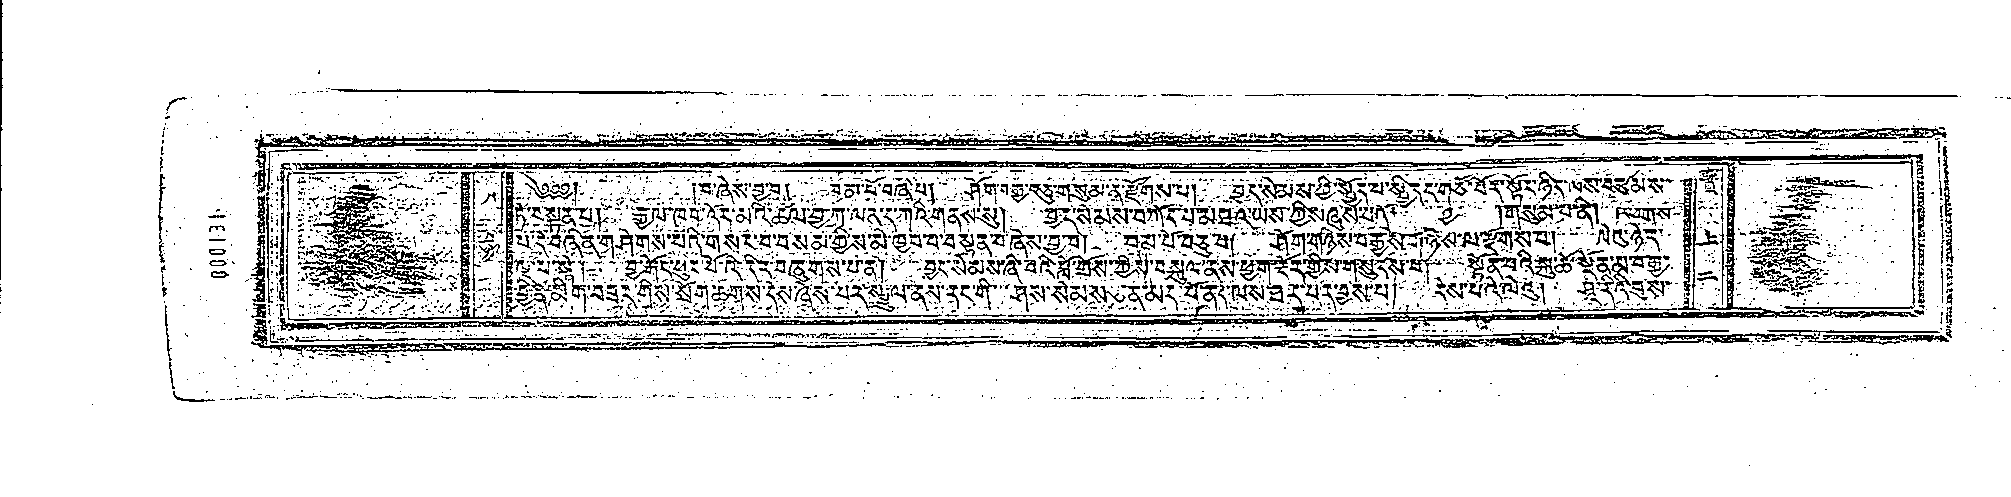༄༅༅། །བ་ཞེས་བྱ་བ། བམ་པོ་བཞི་པ། ཤོག་བརྒྱ་བཅུ་གསུམ་ན་རྫོགས་པ། བྱང་སེམས་ཀྱི་སྤྱོད་པ་སྤྱི་དང་གཙོ་བོར་སྟོང་ཉིད་ལས་བརྩམས་
ཏེ་བསྟན་པ། རྒྱལ་ཁབ་འོང་མའི་ཚལ་བྱ་ཀ་ལན་ང་ཀའི་གནས་སུ། བྱང་སེམས་བཀོད་པ་མཐའ་ཡས་ཀྱིས་ཞུས་པའོ། ༧་།གསུམ་པ་ནི། འཕགས་
པ་དེ་བཞིན་གཤེགས་པའི་གསང་བ་བསམ་གྱིས་མི་ཁྱབ་པ་བསྟན་པ་ཞེས་བྱ་བ། བམ་པོ་བཅུ་པ། ཤོག་གཉིས་བརྒྱ་སོགས་ཉིས་ལ་རྫོགས་པ། ལེའུ་ཉེར་
ལྔ་པ་སྟེ། བྱ་རྒོད་ཕུང་པོའི་རིར་བཞུགས་པ་ན། བྱང་སེམས་ཞི་བའི་བློ་གྲོས་ཀྱིས་བསྐུལ་ནས་ཕྱག་རྡོར་གྱིས་གསུངས་པ། སྟོན་པའི་སྐུ་ཚེ་སྔོན་མ་བརྒྱ་
བྱིན་མིག་བཟང་གིས་སྲོག་ཆགས་དེས་ཞེས་པར་སྤྲུལ་ནས་རང་གི་ཤས་སེམས་ཅན་མང་པོ་ནང་ལས་ཐར་པར་བྱས་པ། དེས་པའི་ལེའུ། ཤཱ་རིའི་བུས་